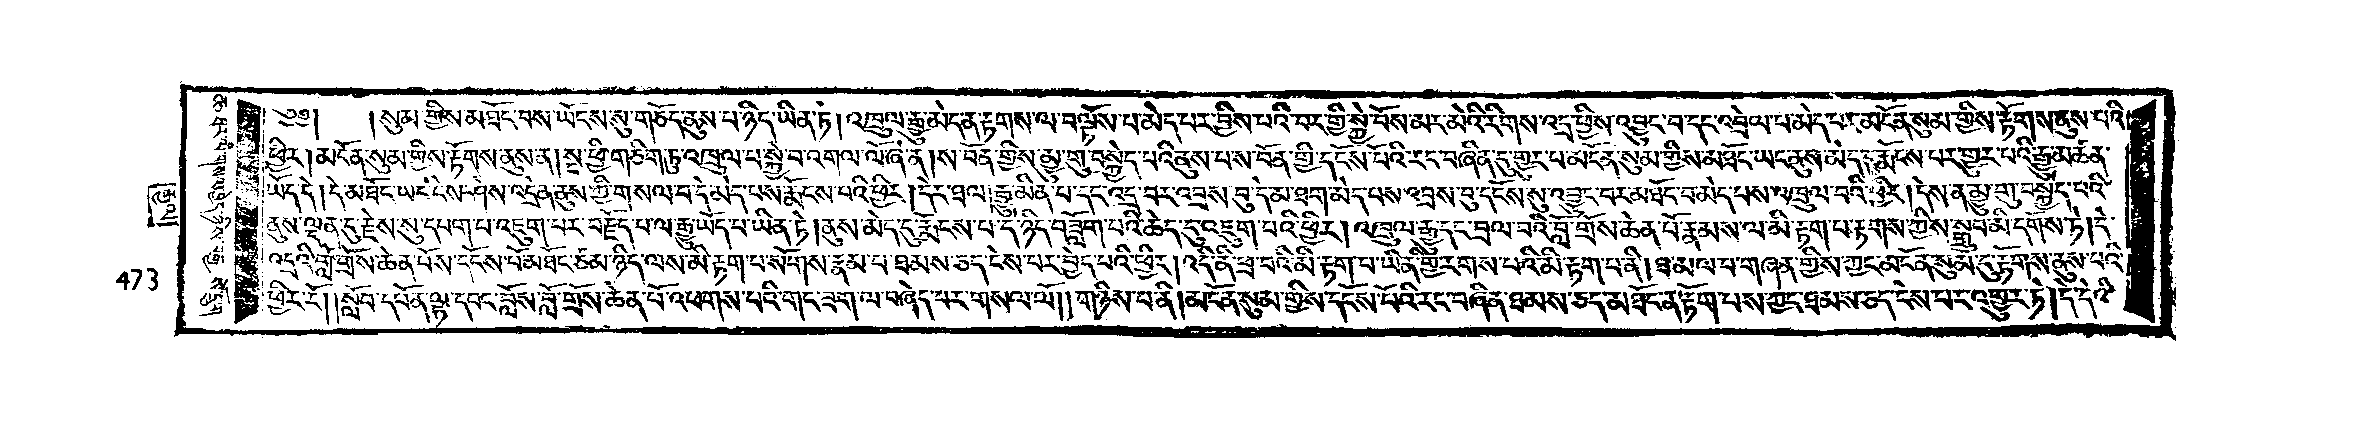༄༅། །སུམ་གྱིས་མཐོང་བས་ཡོངས་སུ་གཅོད་ནུས་པ་ཉིད་ཡིན་ཏེ། འཁྲུལ་རྒྱུ་མེད་ན་རྟགས་ལ་བལྟོས་པ་མེད་པར་བྱིས་པའི་བར་གྱི་སྐྱེ་བོས་མར་མེའི་རིགས་འདྲ་ཕྱིས་འབྱུང་བ་དང་འབྲེལ་པ་མེད་པར་མངོན་སུམ་གྱིས་རྟོགས་ནུས་པའི་
ཕྱིར། མངོན་སུམ་གྱིས་རྟོགས་ནུས་ན། སྔ་ཕྱི་གཅིག་ཏུ་འཁྲུལ་པ་སྐྱེ་བ་འགལ་ལོ་ཞེ་ན། ས་བོན་གྱིས་མྱུ་གུ་བསྐྱེད་པའི་ནུས་པ་ས་བོན་གྱི་དངོས་པོའི་རང་བཞིན་དུ་གྱུར་པ་མངོན་སུམ་གྱིས་མཐོང་ཡང་ནུས་མེད་དུ་རྨོངས་པར་གྱུར་པའི་རྒྱུ་མཚན་
ཡོད་དེ། དེ་མཐོང་ཡང་ངེས་ཤེས་འདྲེན་ནུས་ཀྱི་གསལ་བ་དེ་མེད་པས་རྨོངས་པའི་ཕྱིར། དེར་ཐལ། རྒྱུ་མིན་པ་དང་འདྲ་བར་འབྲས་བུ་དེ་མ་ཐག་མེད་པས་འབྲས་བུ་དངོས་སུ་འབྱུང་བར་མཐོང་བ་མེད་པས་འཁྲུལ་བའི་ཕྱིར། དེས་ན་མྱུ་གུ་བསྐྱེད་པའི་
ནུས་ལྡན་དུ་རྗེས་སུ་དཔག་པ་འཇུག་པར་བརྗོད་པ་ལ་རྒྱུ་ཡོད་པ་ཡིན་ཏེ། ནུས་མེད་དུ་རྨོངས་པ་དེ་ཉིད་བཟློག་པའི་ཆེད་དུ་འཇུག་པའི་ཕྱིར། འཁྲུལ་རྒྱུ་དང་བྲལ་བའི་བློ་གྲོས་ཆེན་པོ་རྣམས་ལ་མི་རྟག་པ་རྟགས་ཀྱིས་སྒྲུབ་མི་དགོས་ཏེ། དེ་
འདྲའི་བློ་གྲོས་ཆེན་པོས་དངོས་པོ་མཐོང་ཙམ་ཉིད་ལས་མི་རྟག་པ་སོགས་རྣམ་པ་ཐམས་ཅད་ངེས་པར་བྱེད་པའི་ཕྱིར། འདི་ནི་ཕྲ་བའི་མི་རྟག་པ་ཡིན་གྱི་རགས་པའི་མི་རྟག་པ་ནི། ཐ་མལ་པ་གཞན་གྱིས་ཀྱང་མངོན་སུམ་དུ་རྟོགས་ནུས་པའི་
ཕྱིར་རོ། །སློབ་དཔོན་ལྷ་དབང་བློས་གྲོས་ཆེན་པོ་འཕགས་པའི་གང་ཟག་ལ་བཞེད་པར་གསལ་ལོ། །གཉིས་པ་ནི་།མངོན་སུམ་གྱིས་དངོས་པོའི་རང་བཞིན་ཐམས་ཅད་མཐོང་ན་རྟོག་པས་ཀྱང་ཐམས་ཅད་ངེས་པར་འགྱུར་ཏེ། དེ་དེའི་